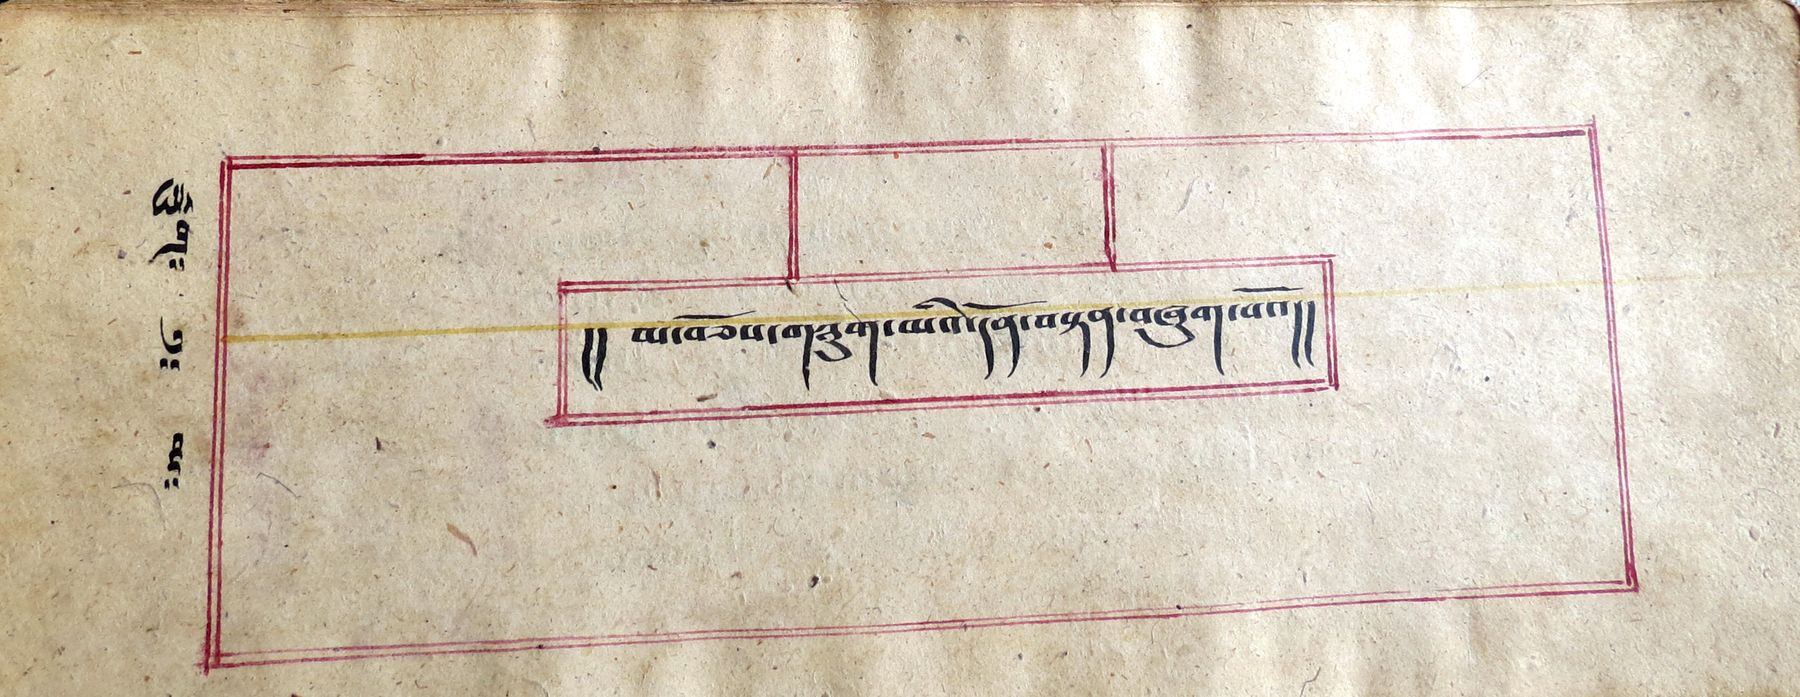༄༅། ། མ་བཅོས་གཉུག་མའི་དོན་བསྟན་བཞུགས་པའོ། །